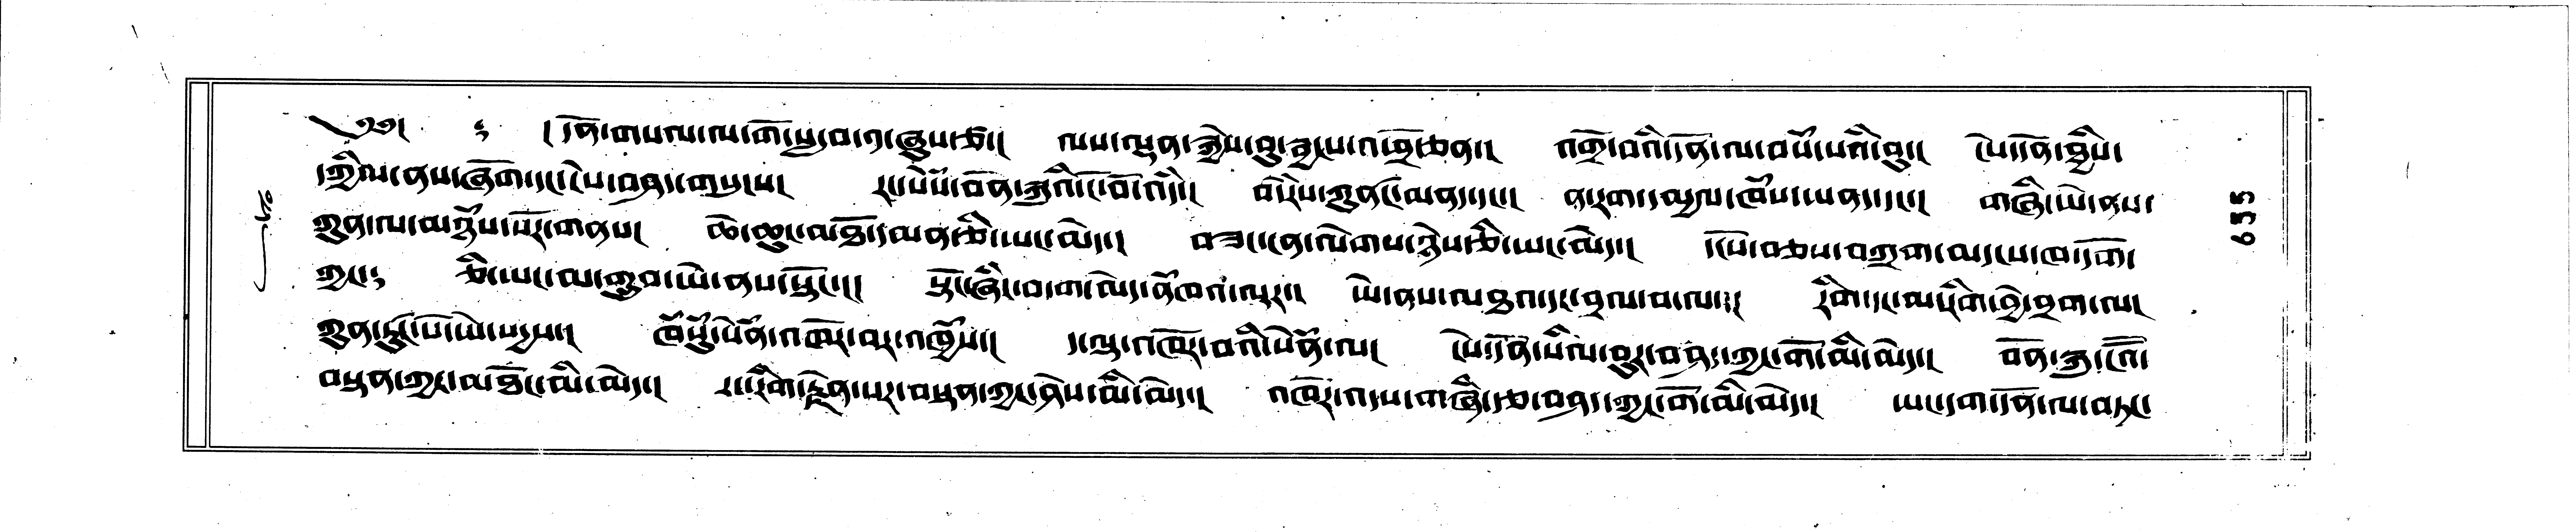དོན་གསལ་ལ་གོ་སླ་བ་གཅིག་ཞུ་བྱས་ཙ། ལས་ཅན་སྐྱེས་བུ་སྦྱངས་འཕྲོ་ཅན། འགྲོ་བའི་དོན་ལ་བསམ་པའི་བུ། ངེས་དོན་ཐུགས་ཀྱི་
དཀྱིལ་དུ་ཞོག་དང་ངས་བཤད་གསུངས། རང་སེམས་བོན་སྐུའི་ངོའོ་ཉིད། བདེར་གཤེགས་ཀུན་བཟང་མན་ཆད་ནས། ན་རག་དམྱལ་ཁམས་ཡན་ཆད་ལ། གཞི་ཡེ་གནས་
ཀུན་ལ་མཉམ་པོར་གནས། ཆེ་ཆུང་མཐོ་དམན་ཅི་ཡང་མེད། བཟང་ངན་ལེགས་ཉེས་ཅི་ཡང་མེད། རྔོས་༼དངོས༽བཅས་བཀྲག་མདང་ཁ་དོག་
ཅིི་ཡང་མ་གྲུབ་ཡེ་ནས་སྟོང་། སྟོང་ཞིང་བདག་མེད་ནམ་མཁའ་ལྟར། ཡེ་ནས་མཐའ་དང་བྲལ་བ་ལ། རིག་དང་མ་རིག་འཛིན་པ་བྱུང་། རིག་དང་མ་རིག་བྱེ་བྲག་ལ།
ཀུན་ཏུ་བཟང་པོ་ཡེ་སངས་རྒྱས། ཁམས་གསུམ་སེམས་འཁོར་བར་མཁྱམས། དེ་ཁམས་གསུམ་འཁོར་བའི་སེམས་ཅན་ལ། ངེས་དོན་སིལ་བུར་བཤད་ཀྱང་གོ་མི་མེད། བོན་སྐུའི་ངོའོ་
བསྟན་ཀྱང་མཐོང་མི་མེད། འཁོར་དྷས་(འདས)་གཞི་རྩ་བཤད་ཀྱང་གོ་མི་མེད། ཡང་དག་ལམ་